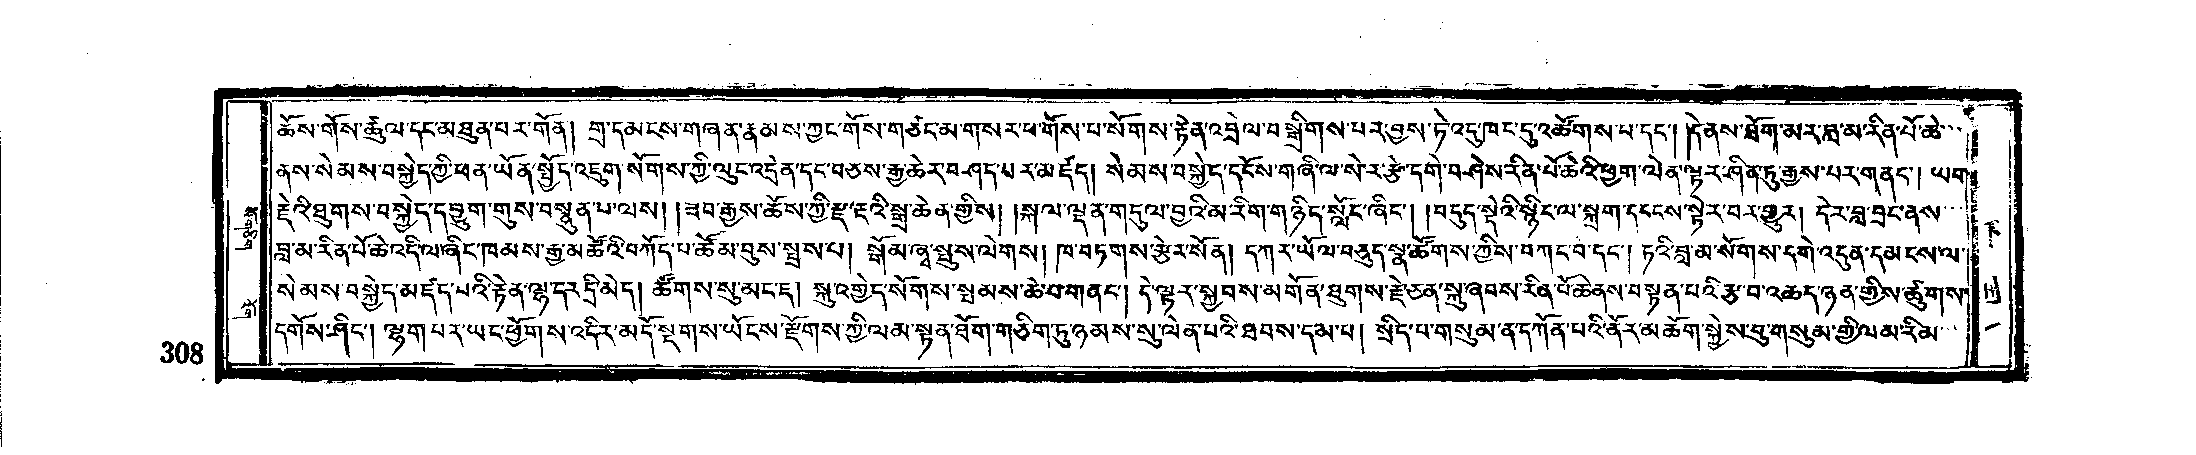ཆོས་གོས་ཚུལ་དང་མཐུན་པར་གོན། གྲ་དམངས་གཞན་རྣམས་ཀྱང་གོས་གཙང་མ་གསར་པ་གོས་པ་སོགས་རྟེན་འབྲེལ་བསྒྲིགས་པར་བྱས་ཏེ་འདུ་ཁང་དུ་འཚོགས་པ་དང་། །དེ་ནས་ཐོག་མར་བླ་མ་རིན་པོ་ཆེ་
ནས་སེམས་བསྐྱེད་ཀྱི་ཕན་ཡོན་སྤྱོད་འཇུག་སོགས་ཀྱི་ལུང་འདྲེན་དང་བཅས་རྒྱ་ཆེར་བཤད་པར་མཛད། སེམས་བསྐྱེད་དངོས་གཞི་ལ་སེ་ར་རྩེ་དགེ་བཤེས་རིན་པོ་ཆེའི་ཕྱག་ལེན་ལྟར་ཤིན་ཏུ་རྒྱས་པར་གནང་། ཡབ་
རྗེའི་ཐུགས་བསྐྱེད་དབྱུག་གུས་བསྣུན་པ་ལས། །ཟབ་རྒྱས་ཆོས་ཀྱི་རྫ་རྔའི་སྒྲ་ཆེན་གྱིས། །སྐལ་ལྡན་གདུལ་བྱའི་མ་རིག་གཉིད་སློང་ཞིང་། །བདུད་སྡེའི་སྙིང་ལ་སྐྲག་དངངས་སྟེར་བར་གྱུར། དེར་བླ་བྲང་ནས་
བླ་མ་རིན་པོ་ཆེ་འདི་ལ་ཞིང་ཁམས་རྒྱ་མཚོའི་བཀོད་པ་ཚོམ་བུས་སྤྲས་པ། སྒོམ་ཞྭ་སྤུས་ལེགས། ཁ་བཏགས་རྩེར་སོན། དཀར་ཡོལ་བཅུད་སྣ་ཚོགས་ཀྱིས་བཀང་བ་དང་། ཏའི་བླ་མ་སོགས་དགེ་འདུན་དམངས་ལ་
སེམས་བསྐྱེད་མཛད་པའི་རྟེན་ལྷ་དར་དྲི་མེད། ཚོགས་སུ་མང་ཇ། སྐུ་འགྱེད་སོགས་སྤམས་ཆེ་བ་གནང་། དེ་ལྟར་སྐྱབས་མགོན་ཐུགས་རྗེ་ཅན་སྐུ་ཞབས་རིན་པོ་ཆེ་ནས་བསྟན་པའི་རྩ་བ་འཆད་ཉན་གྱིས་ཚུགས་
དགོས་ཤིང་། ལྷག་པར་ཡང་ཕྱོགས་འདིར་མདོ་སྔགས་ཡོངས་རྫོགས་ཀྱི་ལམ་སྟན་ཐོག་གཅིག་ཏུ་ཉམས་སུ་ལེན་པའི་ཐབས་དམ་པ། སྲིད་པ་གསུམ་ན་དཀོན་པའི་ནོར་མཆོག་སྐྱེས་བུ་གསུམ་གྱི་ལམ་རིམ་